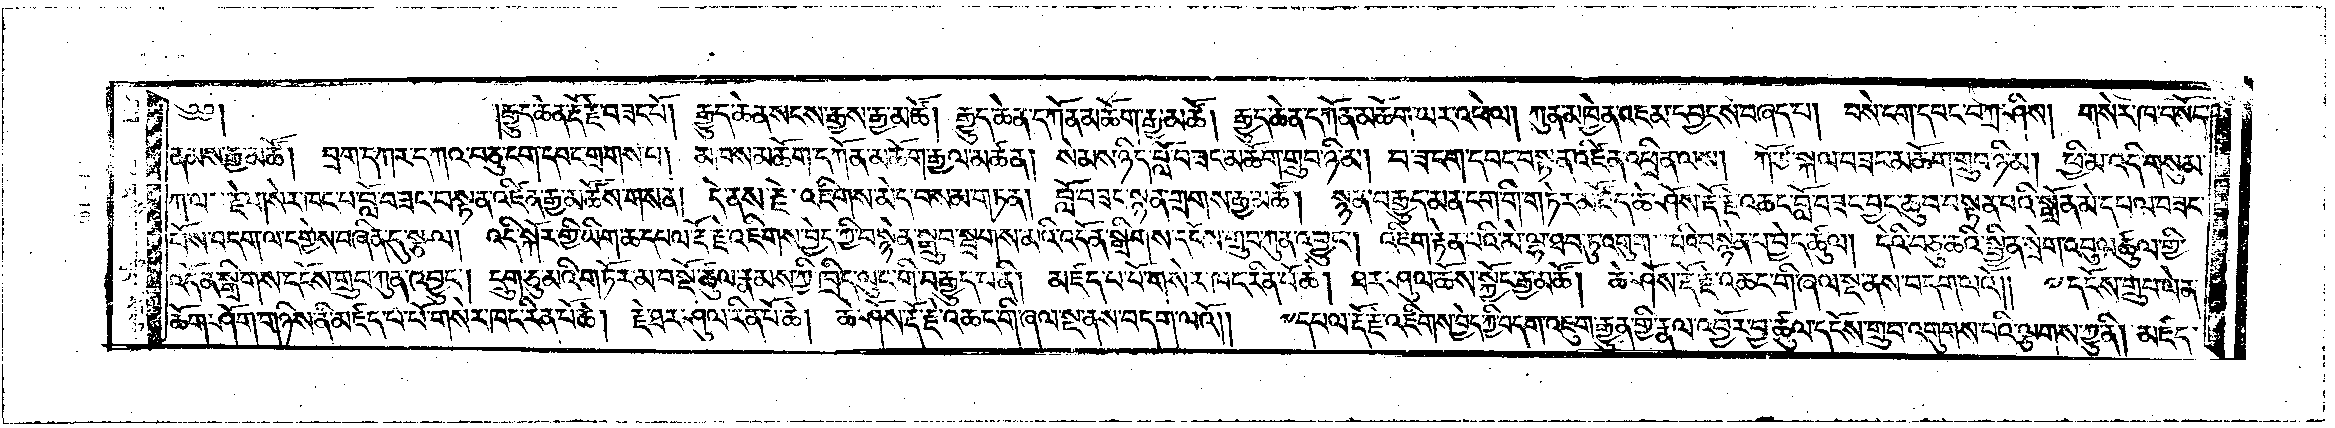༄༅། །རྒྱུད་ཆེན་རྡོ་རྗེ་བཟང་པོ། རྒྱུད་ཆེན་སངས་རྒྱས་རྒྱ་མཚོ། རྒྱུད་ཆེན་དཀོན་མཆོག་རྒྱ་མཚོ། རྒྱུད་ཆེན་དཀོན་མཆོག་ཡར་འཕེལ། ཀུན་མཁྱེན་འཇམ་དབྱངས་བཞད་པ། བསེ་ངག་དབང་བཀྲ་ཤིས། གསེར་ཁ་བསོད་
ནམས་རྒྱ་མཚོ། བྲག་དཀར་དཀའ་བཅུ་ངག་དབང་གྲགས་པ། མཁས་མཆོག་དཀོན་མཆོག་རྒྱལ་མཚན། སེམས་ཉིད་བློ་བཟང་མཆོག་གྲུབ་ཉི་མ། བ་ཟ་ངག་དབང་བསྟན་འཛིན་འཕྲིན་ལས། ཀོ་ཙ་སྐལ་བཟང་མཆོག་གྲུབ་ཉི་མ། ཕྱི་མ་འདི་གསུམ་
ཀ་ལ་རྗེ་གསེར་ཁང་པ་བློ་བཟང་བསྟན་འཛིན་རྒྱ་མཚོས་གསན། དེ་ནས་རྗེ་འཇིགས་མེད་བསམ་གཏན། བློ་བཟང་སྙན་གྲགས་རྒྱ་མཚོ། སྙན་བརྒྱུད་མན་ངག་གི་གཏེར་མཛོད་ཆེ་ཤོས་རྡོ་རྗེ་འཆང་བློ་བཟང་བྱང་ཆུབ་བསྟན་པའི་སྒྲོན་མེད་དཔལ་